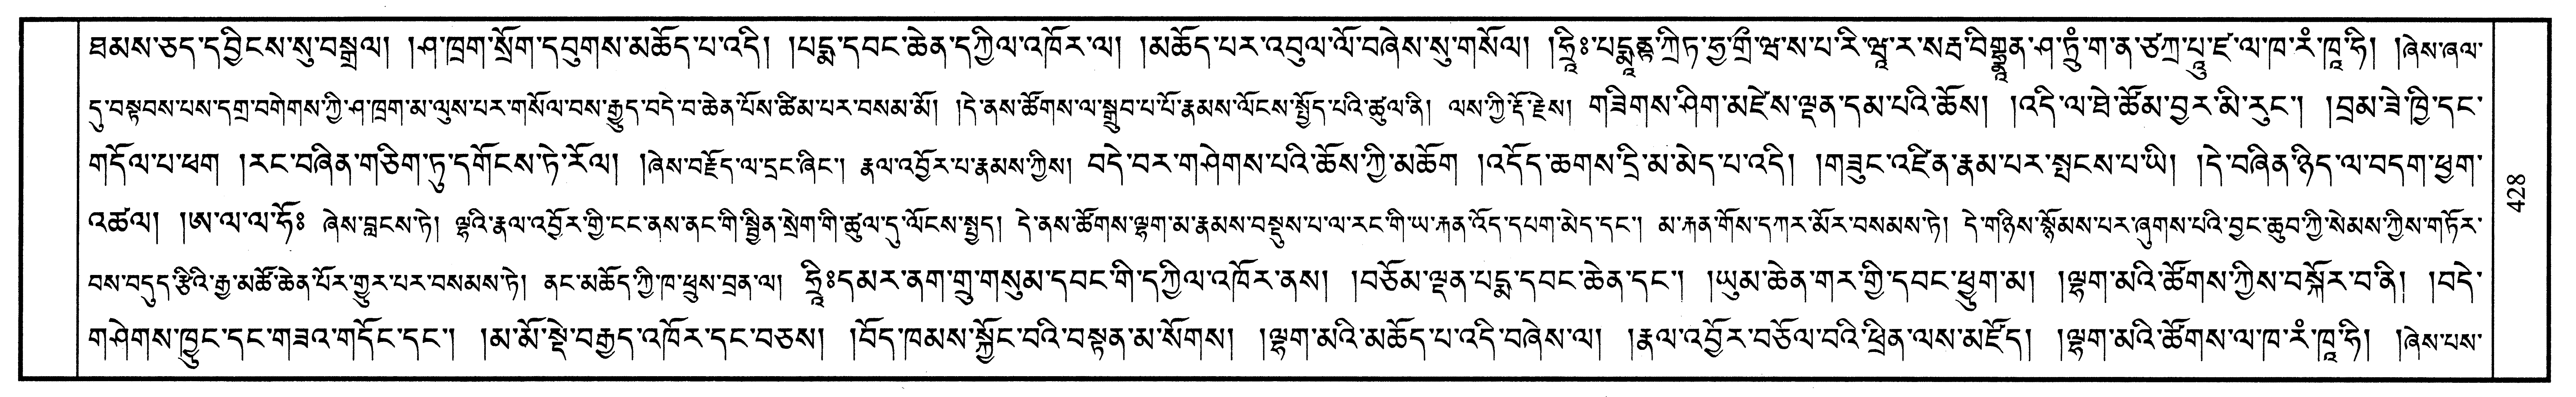ཐམས་ཅད་དབྱིངས་སུ་བསྒྲལ། །ཤ་ཁྲག་སྲོག་དབུགས་མཆོད་པ་འདི། །པདམ་དབང་ཆེན་དཀྱིལ་འཁོར་ལ། །མཆོད་པར་འབུལ་ལོ་བཞེས་སུ་གསོལ། །ཧྲཱིཿ པདམཱནྟ་ཀྲིཏ་ཧྱ་གྲྀ་ཝ་ས་པ་རི་ཝཱ་ར་སརྦ་བིགྷྣཱན་ཤ་ཏྲུཾ་ག་ན་ཙཀྲ་པཱུ་ཛ་ལ་ཁ་རཾ་ཁཱ་ཧི། །ཞེས་ཞལ་
དུ་བསྟབས་པས་དགྲ་བགེགས་ཀྱི་ཤ་ཁྲག་མ་ལུས་པར་གསོལ་བས་རྒྱུད་བདེ་བ་ཆེན་པོས་ཚིམ་པར་བསམ་མོ། །དེ་ནས་ཚོགས་ལ་སྒྲུབ་པ་པོ་རྣམས་ལོངས་སྤྱོད་པའི་ཚུལ་ནི། ལས་ཀྱི་རྡོ་རྗེས། གཟིགས་ཤིག་མཛེས་ལྡན་དམ་པའི་ཆོས། །འདི་ལ་ཐེ་ཚོམ་བྱར་མི་རུང་། །བྲམ་ཟེ་ཁྱི་དང་
གདོལ་པ་ཕག །རང་བཞིན་གཅིག་ཏུ་དགོངས་ཏེ་རོལ། །ཞེས་བརྗོད་ལ་དྲང་ཞིང་། རྣལ་འབྱོར་པ་རྣམས་ཀྱིས། བདེ་བར་གཤེགས་པའི་ཆོས་ཀྱི་མཆོག །འདོད་ཆགས་དྲི་མ་མེད་པ་འདི། །གཟུང་འཛིན་རྣམ་པར་སྤངས་པ་ཡི། །དེ་བཞིན་ཉིད་ལ་བདག་ཕྱག་
འཚལ། །ཨ་ལ་ལ་ཧོཿ ཞེས་བླངས་ཏེ། ལྷའི་རྣལ་འབྱོར་གྱི་ངང་ནས་ནང་གི་སྦྱིན་སྲེག་གི་ཚུལ་དུ་ལོངས་སྤྱད། དེ་ནས་ཚོགས་ལྷག་མ་རྣམས་བསྡུས་པ་ལ་རང་གི་ཡ་རྐན་འོད་དཔག་མེད་དང་། མ་རྐན་གོས་དཀར་མོར་བསམས་ཏེ། དེ་གཉིས་སྙོམས་པར་ཞུགས་པའི་བྱང་ཆུབ་ཀྱི་སེམས་ཀྱིས་གཏོར་
བས་བདུད་རྩིའི་རྒྱ་མཚོ་ཆེན་པོར་གྱུར་པར་བསམས་ཏེ། ནང་མཆོད་ཀྱི་ཁ་ཕྲུས་བྲན་ལ། ཧྲཱིཿ དམར་ནག་གྲུ་གསུམ་དབང་གི་དཀྱིལ་འཁོར་ནས། །བཅོམ་ལྡན་པདམ་དབང་ཆེན་དང་། །ཡུམ་ཆེན་གར་གྱི་དབང་ཕྱུག་མ། །ལྷག་མའི་ཚོགས་ཀྱིས་བསྐོར་བ་ནི། །བདེ་
གཤེགས་ཁྱུང་དང་གཟའ་གདོང་དང་། །མ་མོ་སྡེ་བརྒྱད་འཁོར་དང་བཅས། །བོད་ཁམས་སྐྱོང་བའི་བསྟན་མ་སོགས། །ལྷག་མའི་མཆོད་པ་འདི་བཞེས་ལ། །རྣལ་འབྱོར་བཅོལ་བའི་ཕྲིན་ལས་མཛོད། །ལྷག་མའི་ཚོགས་ལ་ཁ་རཾ་ཁཱ་ཧི། །ཞེས་པས་